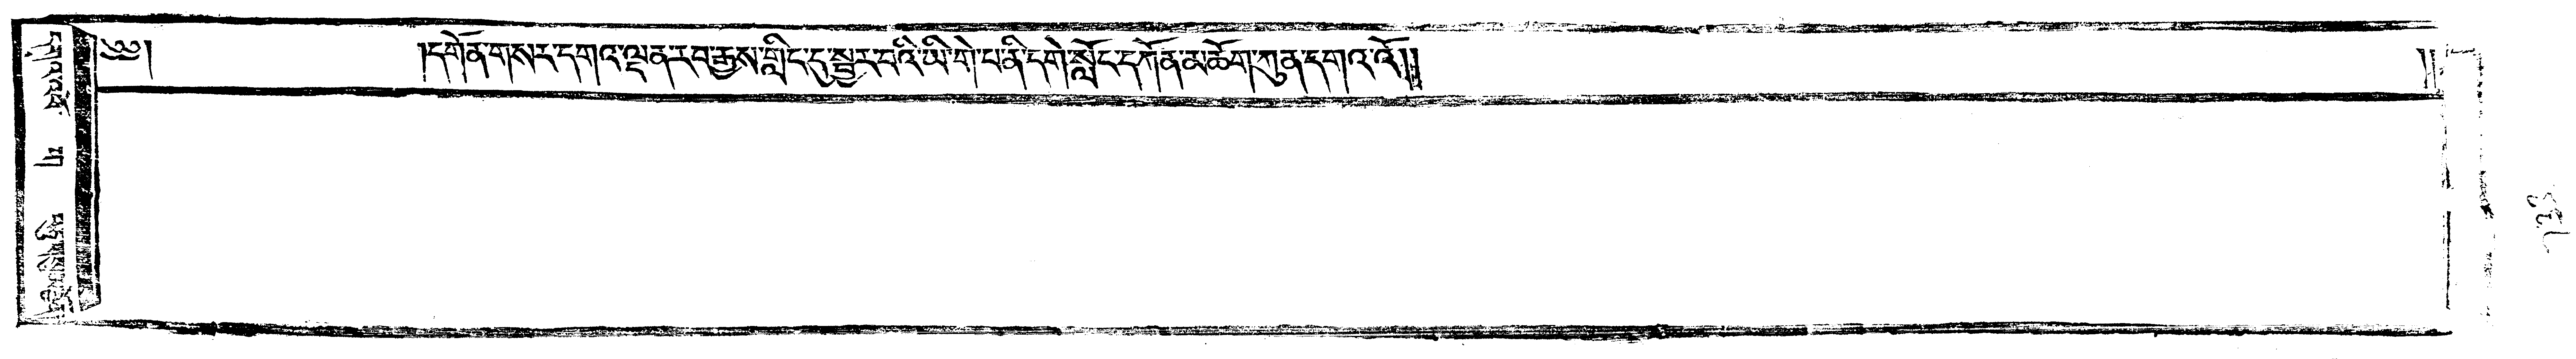༄༅། །དགོན་གསར་དགའ་ལྡན་རབ་རྒྱས་གླིང་དུ་སྦྱར་བའི་ཡི་གེ་པ་ནི་དགེ་སློང་དཀོན་མཆོག་ཀུན་དགའ་འོ།།